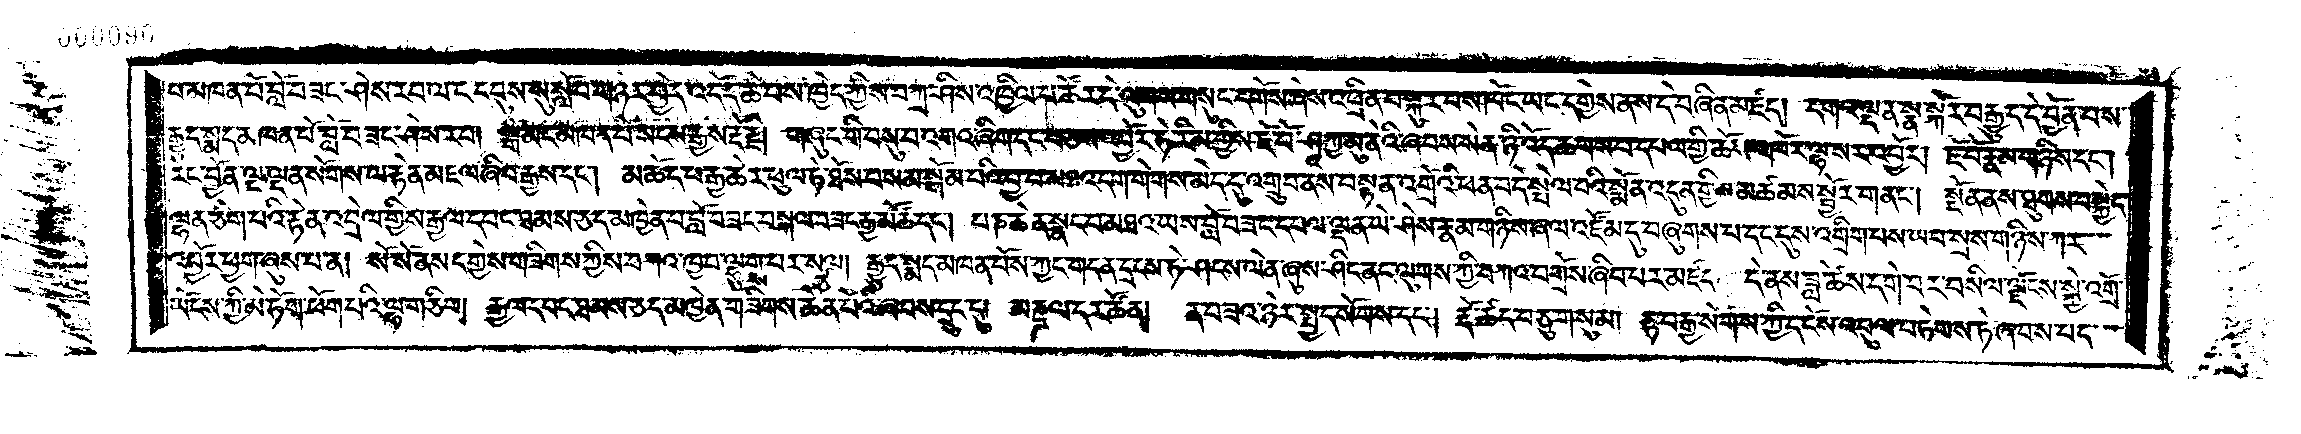པ་མཁན་པོ་བློ་བཟང་ཤེས་རབ་ལ་ང་དབུས་སུ་སློབ་གཉེར་བྱེད་འདོད་ཆེ་བས་ཁྱེད་ཀྱིས་བཀྲ་ཤིས་འཁྱིལ་པ་ཚོར་དེ་ལུགས་གསུང་དགོས་ཞེས་འཕྲིན་བསྐུར་བས་ཁོང་ཡང་དགྱེས་ནས་དེ་བཞིན་མཛད། དགའ་ལྡན་སྣ་སྐོར་བརྒྱུད་དེ་བྱོན་པས་
རྒྱུད་སྨད་མཁན་པོ་བློ་བཟང་ཤེས་རབ། སྒོ་མང་མཁན་པོ་སངས་རྒྱས་རྡོ་རྗེ། གཞུང་གི་བསུ་བ་འགའ་ཞིག་དང་བཅས་འབྱོར་ཏེ་རིམ་གྱིས་ཇོ་བོ་ཤཱཀྱ་མུ་ནེའི་ཞབས་སེན་ཉི་འོད་ཆགས་པ་དཔལ་གྱི་ཆོས་འཁོར་ལྷ་སར་འབྱོར། ཇོ་བོ་རྣམ་གཉིས་དང་།
རང་བྱོན་ལྔ་ལྡན་སོགས་ལ་རྟེན་མཇལ་ཞིབ་རྒྱས་དང་། མཆོད་པ་རྒྱ་ཆེར་ཕུལ་ཏེ་ཐོས་བསམ་སྒོམ་བའི་བྱ་བ་མཐའ་དག་གེགས་མེད་དུ་འགྲུབ་ནས་བསྟན་འགྲོའི་ཕན་བདེ་སྤེལ་བའི་སྨོན་འདུན་གྱིས་མཚམས་སྦྱོར་གནང་། སྔོན་ནས་ཐུགས་བསྐྱེད་
ལྷན་ཅིག་པའི་རྟེན་འབྲེལ་གྱིས་རྒྱལ་དབང་ཐམས་ཅད་མཁྱེན་པ་བློ་བཟང་བསྐལ་བཟང་རྒྱ་མཚོ་དང་། པཎ་ཆེན་སྣང་བ་མཐའ་ཡས་བློ་བཟང་དཔལ་ལྡན་ཡེ་ཤེས་རྣམ་གཉིས་ཞལ་འཛོམ་དུ་བཞུགས་པ་དང་དུས་འགྲིག་པས་ཡབ་སྲས་གཉིས་ཀར་
འབྱོར་ཕྱག་ཞུས་པ་ན། སོ་སོ་ནས་དགྱེས་གཟིགས་ཀྱིས་བཀའ་ཁྱབ་ལྷུགས་པར་སྩལ། རྒྱུད་སྨད་མཁན་པོས་ཀྱང་གདན་དྲངས་ཏེ་ཤངས་ལེན་ཞུས་ཤིང་ནང་ལུགས་ཀྱི་བཀའ་བགྲོས་ཞིབ་པར་མཛད། དེ་ནས་ཟླ་ཚེས་དགེ་བར་བསིལ་ལྗོངས་སྐྱེ་འགྲོ་
ཡོངས་ཀྱི་མེ་ཏོག་ཕོག་པའི་ལྷ་གཅིག། རྒྱལ་དབང་ཐམས་ཅད་མཁྱེན་གཟིགས་ཆེན་པོའི་ཞབས་དྲུང་དུ། མཎྜལ་དར་ཚོན། ན་བཟའ་ཉེར་སྤྱད་སོགས་དང་། རྡོ་ཚད་བཅུ་གསུམ། རྟ་བརྒྱ་སོགས་ཀྱི་དངོས་འབུལ་བཏེགས་ཏེ་ཞབས་པད་